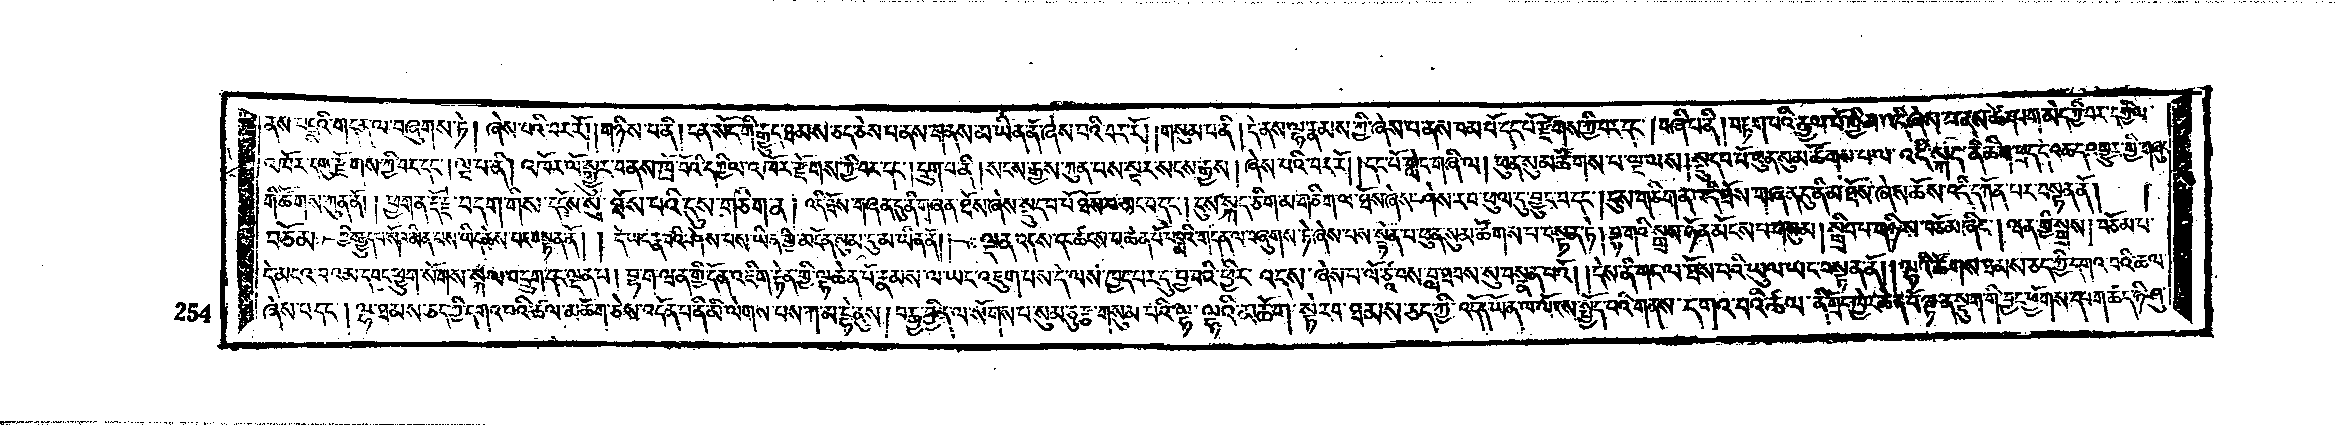ནས་པདམའི་གདན་ལ་བཞུགས་ཏེ། ཞེས་པའི་བར་རོ། །གཉིས་པ་ནི། ངན་སོང་གི་རྒྱུད་ཐམས་ཅད་ཅེས་པ་ནས་གནས་མ་ཡིན་ནོ་ཞེས་པའི་བར་རོ། །གསུམ་པ་ནི། དེ་ནས་ལྷ་རྣམས་ཀྱི་ཞེས་པ་ནས་བམ་པོ་དང་པོ་རྫོགས་ཀྱི་བར་དང་། བཞི་པ་ནི། བརྟག་པའི་རྒྱལ་པོ་ཕྱི་མ་འདི་ཞེས་པ་ནས་ཚ་དཔག་མེད་ཀྱི་བར་དཀྱིལ་
འཁོར་དགུ་རྫོགས་ཀྱི་བར་དང་། ལྔ་པ་ནི། འཁོར་ལོ་སྒྱུར་བ་ནས་ཁྲོ་བོའི་དཀྱིལ་འཁོར་རྫོགས་ཀྱི་བར་དང་། དྲུག་པ་ནི། སངས་རྒྱས་ཀུན་པས་སྔར་སངས་རྒྱས། ཞེས་པའི་བར་རོ། །དང་པོ་གླེང་གཞི་ལ། ཕུན་སུམ་ཚོགས་པ་ལྔ་ལས། སྡུད་པ་པོ་ཕུན་སུམ་ཚོགས་པ་ལ་འདི་སྐད་ནི་ཚིག་ཕྲད་དེ་འཆད་འགྱུར་གྱི་གཞུང་
གི་ཚོགས་ཀུན་ནོ། །ཕྱག་ན་རྡོ་རྗེ་བདག་གིས་དངོས་སུ་ཐོས་པའི་དུས་གཅིག་ན། འདི་ཐོས་གཞན་དུ་ནི་གཞན་ཐོས་ཞེས་སྡུད་པ་པོ་ཐོས་པ་མང་བ་དང་། དུས་སྐད་ཅིག་མ་གཅིག་ལ་ཐོས་ཞེས་ཤེས་རབ་ཕུལ་དུ་བྱུང་བ་དང་། དུས་གཅིག་ན་འདི་ཐོས་གཞན་དུ་ནི་མ་ཐོས་ཞེས་ཆོས་འདི་དཀོན་པར་བསྟན་ནོ། །
བཅོམ་ཀྱི་བརྒྱུད་པ་སོགས་མིན་པས་ཡིད་ཆེས་པར་བསྟན་ནོ། །དེ་ཡང་རྣ་བའི་ཤེས་པས་ཡིན་གྱི་མངོན་སུམ་དུ་མ་ཡིན་ནོ། །ལྡན་འདས་དང་ཚངས་པ་ཆེན་པོ་པདམའི་གདན་ལ་བཞུགས་ཏེ་ཞེས་པས་སྟོན་པ་ཕུན་སུམ་ཚོགས་པ་བསྟན་ཏེ། བྷ་གའི་སྒྲས་ཉོན་མོངས་པ་གསུམ། སྒྲིབ་པ་གཉིས་བཅོམ་ཞིང་། ཝན་གྱི་སྒྲས། བཅོམ་པ་
དེ་མངའ་བའམ་དབང་ཕྱུག་སོགས་སྐལ་བ་དྲུག་དང་ལྡན་པ། བྷ་ག་ཝན་གྱི་དོན་འཇིག་རྟེན་གྱི་ལྷ་ཆེན་པོ་རྣམས་ལ་ཡང་འཇུག་པས་དེ་ལས་ཁྱད་པར་དུ་བྱ་བའི་ཕྱིར་འདས་ཞེས་པ་ལོ་ཙཱ་བས་བླ་ཐབས་སུ་བསྣན་པའོ། །དེས་ནི་གང་ལ་ཐོས་པའི་ཡུལ་ཡང་བསྟན་ནོ། །ལྷའི་ཚོགས་ཐམས་ཅད་ཀྱི་དགའ་བའི་ཆལ་
ཞེས་པ་དང་། ལྷ་ཐམས་ཅད་ཀྱི་དགའ་བའི་ཚལ་མཆོག་ཅེས་འཛིན་?་པ་ནི་མེ་ལེགས་པས་ཀ་མ་དྷེ་ནུས། བརྒྱ་བྱིན་ལ་སོགས་པ་སུམ་ཅུ་རྩ་གསུམ་པའི་ལྷ་ལྷའི་མཆོག་སྟེ་རབ་ཐམས་ཅད་ཀྱི་འདོད་ཡོན་ལ་ལོངས་སྤྱོད་པའི་གནས་དགའ་བའི་ཚལ་ནི་གྲོང་ཁྱེར་ཆེན་པོ་ལྟ་ན་སྡུག་གི་བྱང་ཕྱོགས་དཔག་ཚད་ཉི་ཤུ་